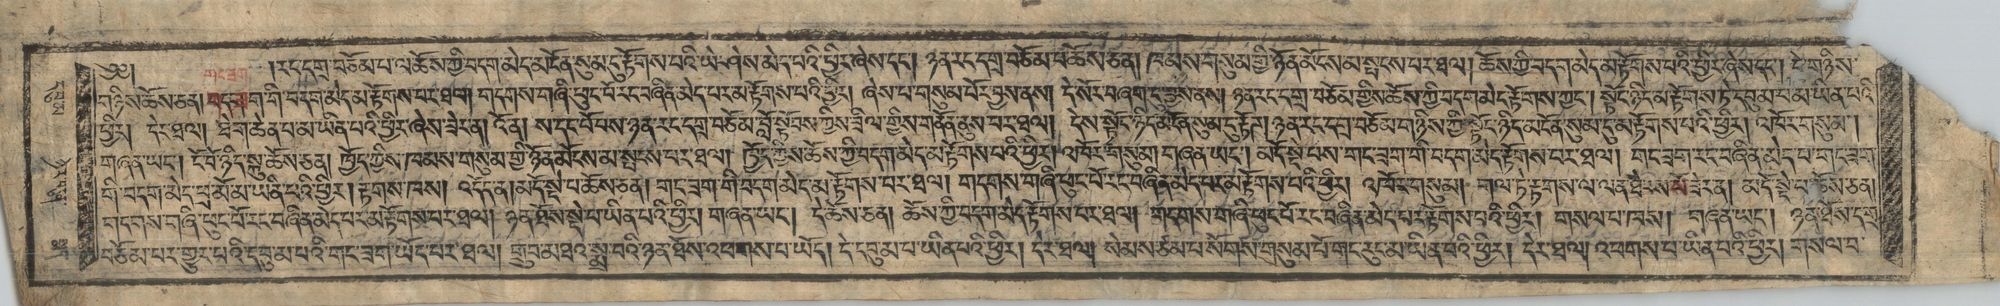༄༅། །རང་དགྲ་བཅོམ་པ་ལ་ཆོས་ཀྱི་བདག་མེད་མངོན་སུམ་དུ་རྟོགས་པའི་ཡེ་ཤེས་མེད་པའི་ཕྱིར་ཞེས་དང་། ཉན་རང་དགྲ་བཅོམ་པ་ཆོས་ཅན། ཁམས་གསུམ་གྱི་ཉོན་མོངས་མ་སྤངས་པར་ཐལ། ཆོས་ཀྱི་བདག་མེད་མ་རྟོགས་པའི་ཕྱིར་ཞེས་དང་། དེ་
གཉིས་ཆོས་ཅན། གང་ཟག་གི་བདག་མེད་མ་རྟོགས་པར་ཐལ། གདགས་གཞི་ཕུང་པོ་རང་བཞིན་མེད་པར་མ་རྟོགས་པའི་ཕྱིར། ཞེས་པ་གསུམ་པོར་བྱས་ནས། དེ་སོར་བཞག་དུ་བྱས་ནས། ཉན་རང་དགྲ་བཅོམ་གྱིས་ཆོས་ཀྱི་བདག་མེད་རྟོགས་ཀྱང་། སྟོང་ཉིད་མ་རྟོགས་ཏེ་དབུམྤ་མ་ཡིན་པའི་
ཕྱིར། དེར་ཐལ། ཐེག་ཆེན་པ་མ་ཡིན་པའི་ཕྱིར་ཞེས་ཟེར་ན། འོ་ན། ས་དང་པོ་པས་ཉན་རང་དགྲ་བཅོམ་བློ་སྟོབས་ཀྱིས་ཟིལ་གྱིས་གནོན་ནུས་པར་ཐལ། དེས་སྟོང་ཉིད་མངོན་སུམ་དུ་རྟོགས། ཉན་རང་དགྲ་བཅོམ་གཉིས་ཀྱི་སྟོང་ཉིད་མངོན་སུམ་དུ་མ་རྟོགས་པའི་ཕྱིར། འཁོར་གསུམ།
གཞན་ཡང་། ངོ་བོ་ཉིད་སྐུ་ཆོས་ཅན། ཁྱོད་ཀྱིས་ཁམས་གསུམ་གྱི་ཉོན་མོངས་མ་སྤངས་པར་ཐལ། ཁྱོད་ཀྱིས་ཆོས་ཀྱི་བདག་མེད་མ་རྟོགས་པའི་ཕྱིར། འཁོར་གསུམ། གཞན་ཡང་། མདོ་སྡེ་པས་གང་ཟག་གི་བདག་མེད་རྟོགས་པར་ཐལ། གང་ཟག་རང་བཞིན་མེད་པ་གང་ཟག་
གི་བདག་མེད་ཕྲ་མོ་མ་ཡིན་པའི་ཕྱིར། རྟགས་ཁས། འདོད་ན། མདོ་སྡེ་པ་ཆོས་ཅན། གང་ཟག་གི་བདག་མེད་མ་རྟོགས་པར་ཐལ། གདགས་གཞི་ཕུང་པོ་རང་བཞིན་མེད་པར་མ་རྟོགས་པའི་ཕྱིར། འཁོར་གསུམ། གལ་ཏེ་རྟགས་ལ་ལན་ཐེབས་སོ་ཟེར་ན། མདོ་སྡེ་པ་ཆོས་ཅན།
གདགས་གཞི་ཕུང་པོ་རང་བཞིན་མེད་པར་མ་རྟོགས་པར་ཐལ། ཉན་ཐོས་སྡེ་པ་ཡིན་པའི་ཕྱིར། གཞན་ཡང་། དེ་ཆོས་ཅན། ཆོས་ཀྱི་བདག་མེད་རྟོགས་པར་ཐལ། གདགས་གཞི་ཕུང་པོ་རང་བཞིན་མེད་པར་རྟོགས་པའི་ཕྱིར། གསལ་བ་ཁས། གཞན་ཡང་། ཉན་ཐོས་དགྲ་
བཅོམ་པར་གྱུར་པའི་དབུ་མ་པའི་གང་ཟག་ཡོད་པར་ཐལ། གྲུབ་མཐའ་སྨྲ་བའི་ཉན་ཐོས་འཕགས་པ་ཡོད། དེ་དབུམྤ་ཡིན་པའི་ཕྱིར། དེར་ཐལ། སེམས་ཙམ་པ་སོགས་གསུམ་པོ་གང་རུང་མ་ཡིན་པའི་ཕྱིར། དེར་ཐལ། འཕགས་པ་ཡིན་པའི་ཕྱིར། གསལ་བ་